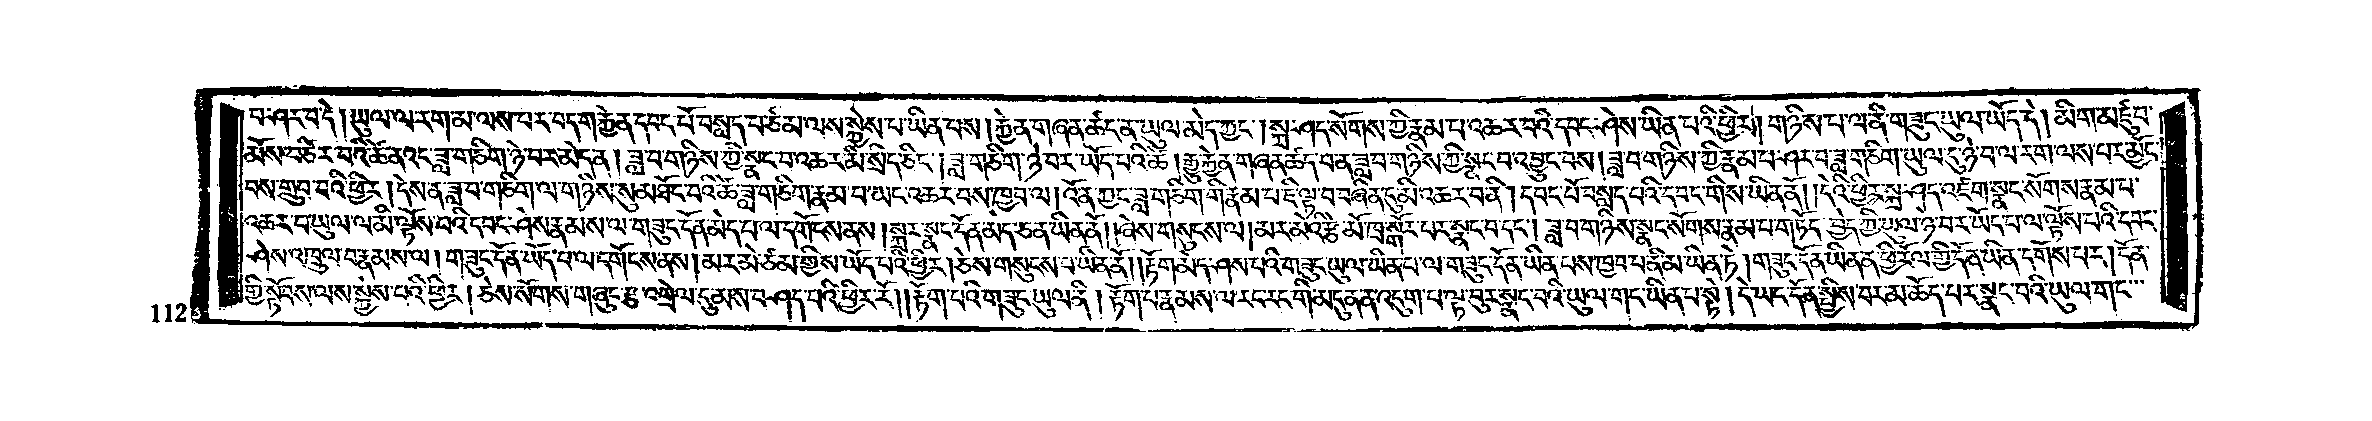པ་ཤར་བ་དེ། ཡུལ་ལ་རག་མ་ལས་པར་བདག་རྐྱེན་དབང་པོ་བསླད་པ་ཙམ་ལས་སྐྱེས་པ་ཡིན་པས། རྐྱེན་གཞན་ཚང་ན་ཡུལ་མེད་ཀྱང་། སྐྲ་ཤད་སོགས་ཀྱི་རྣམ་པ་འཆར་བའི་དབང་ཤེས་ཡིན་པའི་ཕྱིར། གཉིས་པ་ལ་ནི་གཟུང་ཡུལ་ཡོད་དེ། མིག་མཛུབ་
མོས་བཙིར་བའི་ཚེ་ནའང་ཟླ་གཅིག་ཉེ་བར་མེད་ན། ཟླ་བ་གཉིས་ཀྱི་སྣང་བ་འཆར་མི་སྲིད་ཅིང་། ཟླ་གཅིག་ཉེ་བར་ཡོད་པའི་ཚེ། རྒྱུ་རྐྱེན་གཞན་ཚང་བ་ན་ཟླ་བ་གཉིས་ཀྱི་སྣང་བ་འབྱུང་བས། ཟླ་བ་གཉིས་ཀྱི་རྣམ་པ་ཤར་བ་ཟླ་གཅིག་ཡུལ་དུ་ཉེ་བ་ལ་རག་ལས་པར་མྱོང་
བས་གྲུབ་པའི་ཕྱིར། དེས་ན་ཟླ་བ་གཅིག་ལ་གཉིས་སུ་མཐོང་བའི་ཚེ་ཟླ་གཅིག་རྣམ་པ་ཡང་འཆར་བས་ཁྱབ་ལ། འོན་ཀྱང་ཟླ་གཅིག་གི་རྣམ་པ་ཇི་ལྟ་བ་བཞིན་དུ་མི་འཆར་བ་ནི། དབང་པོ་བསླད་པའི་དབང་གིས་ཡིན་ནོ། །དེའི་ཕྱིར་སྐྲ་ཤད་འཇོག་སྣང་སོགས་རྣམ་པ་
འཆར་བ་ཡུལ་ལ་མི་ལྟོས་པའི་དབང་ཤེས་རྣམས་ལ་གཟུང་དོན་མེད་པ་ལ་དགོངས་ནས། སྐྲར་སྣང་དོན་མེད་ཅན་ཡིན་ནོ། །ཞེས་གསུངས་ལ། མར་མེའི་རྩེ་མོ་ཁྲ་སྒོར་བར་སྣང་བ་དང་། ཟླ་བ་གཉིས་སྣང་སོགས་རྣམ་པ་གཏོད་བྱེད་ཀྱི་ཡུལ་ཉེ་བར་ཡོད་པ་ལ་ལྟོས་པའི་དབང་
ཤེས་འཁྲུལ་བ་རྣམས་ལ། གཟུང་དོན་ཡོད་པ་ལ་དགོངས་ནས། མར་མེ་ཙམ་གྱིས་ཡོད་པའི་ཕྱིར། ཅེས་གསུངས་པ་ཡིན་ནོ། །རྟོག་མེད་ཤེས་པའི་གཟུང་ཡུལ་ཡིན་པ་ལ་གཟུང་དོན་ཡིན་པས་ཁྱབ་པ་ནི་མ་ཡིན་ཏེ། གཟུང་དོན་ཡིན་ན་ཕྱི་རོལ་གྱི་དོན་དགོས་པར། དོན་
གྱི་སྟོབས་ལས་སྐྱེས་པའི་ཕྱིར། ཅེས་སོགས་གཞུང་རྩ་འགྲེལ་དུ་མས་བཤད་པའི་ཕྱིར་རོ། །རྟོག་པའི་གཟུང་ཡུལ་ནི། རྟོག་པ་རྣམས་ལ་རང་རང་གི་མདུན་ན་འདུག་པ་ལྟ་བུར་སྣང་བའི་ཡུལ་གང་ཡིན་པ་སྟེ། དེ་ཡང་དོན་སྤྱིས་བར་མ་ཆོད་པར་སྣང་བའི་ཡུལ་གང་